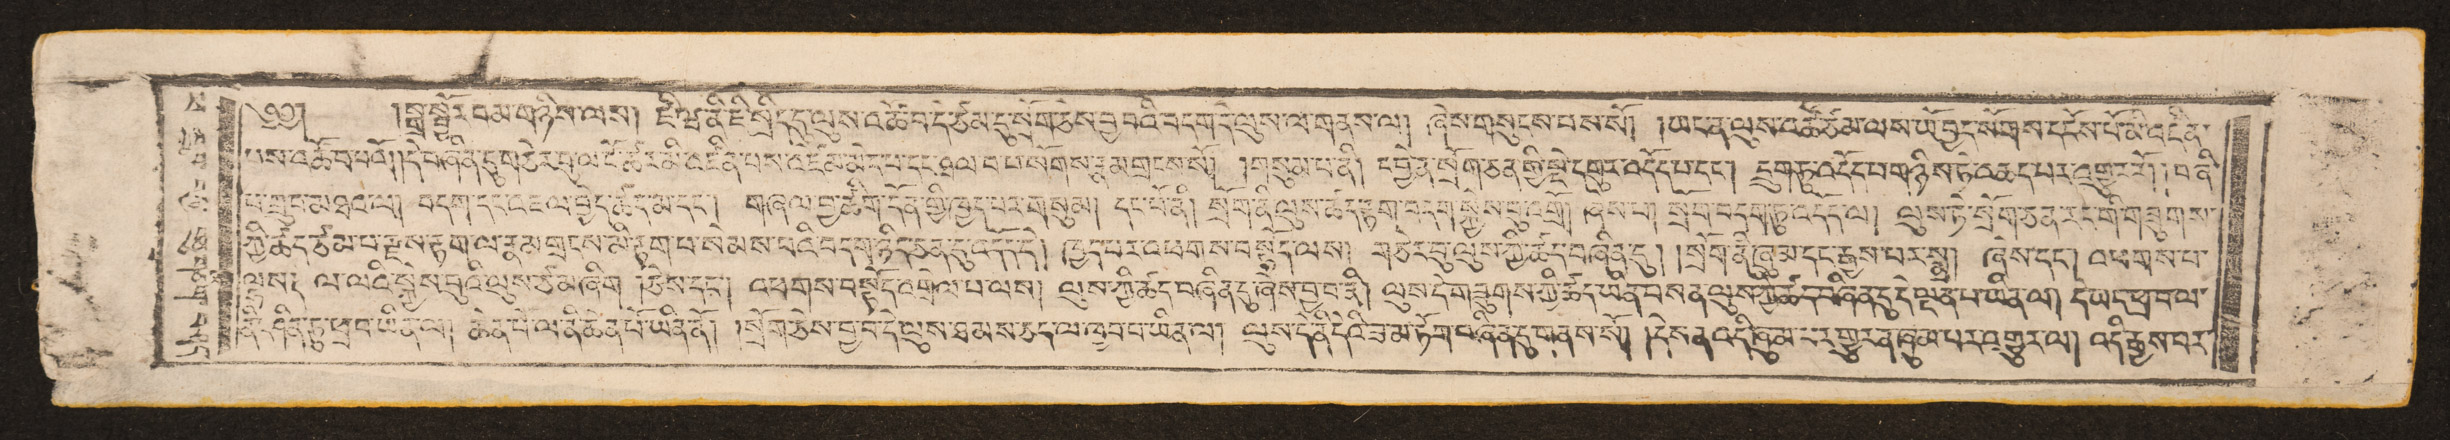༄༅། །སྒྲ་སྦྱོར་བམ་གཉིས་ལས། ཛི་ཝ་ནི་ཇི་སྲིད་དུ་ལུས་འཚོ་བ་དེ་ཙམ་དུ་སྲོག་ཅེས་བྱ་བའི་བདག་དེ་ལུས་ལ་གནས་ལ། ཞེས་གསུངས་པས་སོ། །ཡང་ན་ལུས་འཚོ་ཙམ་ལས་ཡོ་བྱད་སོགས་དངོས་པོ་མི་འཛིན་
པས་འཚོ་བ་པའོ། །དེ་བཞིན་དུ་གཅེར་བུ་ལ་ངོ་ཚར་མི་འཛིན་པས་འཛིམ་མེད་པ་དང་ཐལ་བ་བ་སོགས་རྣམ་གྲངས་སོ། །གསུམ་པ་ནི། དབྱེ་ན་སྲོག་ཅན་གྱི་སྡེ་དགུར་འདོད་པ་དང་། དྲུག་ཏུ་འདོད་པ་གཉིས་ཏེ་འཆད་པར་འགྱུར་རོ། །བཞི་
པ་གྲུབ་འཐའ་ལ། བདག་དང་འཇལ་བྱེད་ཚད་མ་དང་། གཞལ་བྱ་ཚིག་དོན་གྱི་ཁྱད་པར་གསུམ། དང་པོ་ནི། སྲོག་ནི་ལུས་ཚད་རྟག་བདག་སྐྱེས་བུ་འགྲོ། ཞེས་པ། སྲོག་བདག་ཏུ་འདོད་ལ། ལུས་ཏེ་སྲོག་ཅན་རང་གི་གཟུགས་
ཀྱི་ཚད་ཙམ་པ་རྫས་རྟག་ལ་རྣམ་གྲངས་མི་རྟག་པ་སེམས་པའི་བདག་ཉིད་ཅན་དུ་འདོད་དེ། ཁྱད་པར་འཕགས་བསྟོད་ལས། གཅེར་བུ་ལུས་ཀྱི་ཚད་བཞིན་དུ། །སྲོག་ནི་ཞུམ་དང་རྒྱས་པར་སྨྲ། ཞེས་དང་། འཕགས་པ་
ལྷས༑ ལ་ལའི་སྐྱེས་བུའི་ལུས་ཙམ་ཞིག །ཅེས་དང་། འཕགས་བསྟོད་འགྲེལ་པ་ལས། ལུས་ཀྱི་ཚད་བཞིན་དུ་ཞེས་བྱ་བ་ནི། ལུས་དེ་གཟུགས་ཀྱི་ཚད་ཡིན་པས་ན་ལུས་ཀྱི་ཚད་བཞིན་དུ་དེ་ལྡན་པ་ཡིན་ལ། དེ་ཡང་ཕྲ་བ་ལ་
ནི་ཤིན་ཏུ་ཕྲ་བ་ཡིན་ལ། ཆེན་པོ་ལ་ནི་ཆེན་པོ་ཡིན་ནོ། །སྲོག་ཅེས་བྱ་བ་དེ་ལུས་ཐམས་ཅད་ལ་ཁྱབ་པ་ཡིན་ལ། ལུས་དེ་ནི་དེའི་ཟ་མ་ཏོག་བཞིན་དུ་གནས་སོ། །དེས་ན་འདི་ཞུམ་པར་གྱུར་ན་ཞུམ་པར་འགྱུར་ལ། འདི་རྒྱས་པར་